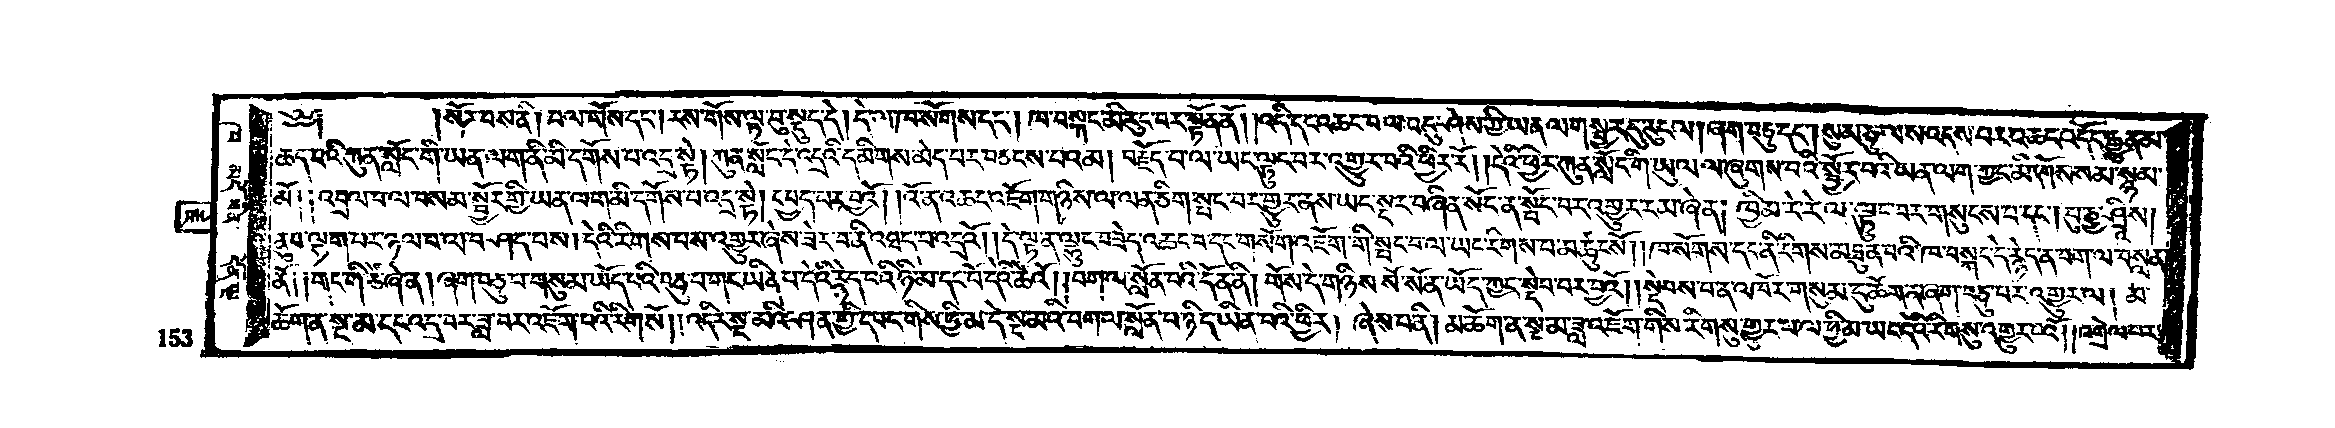༄༅། །སོགས་པས་ནི། བལ་གོས་དང་། རས་གོས་ལྟ་བུ་སྡུད་དེ། དེ་ལ་ཁ་སོགས་དང་། ཁ་བསྐང་མི་རུང་བར་སྟོན་ནོ། །འདི་དང་འཆང་བ་ལ་འདུ་ཤེས་ཀྱི་ཡན་ལག་སྤྱད་དུ་རུང་ལ། ཞག་བཅུ་དང་། སུམ་ཅུ་ལས་འདས་པར་འཆང་འདོད་རྒྱུན་མ་
ཆད་པའི་ཀུན་སླང་གི་ཡན་ལག་ནི་མི་དགོས་པ་འདྲ་སྟེ། ཀུན་སློང་དེ་འདྲའི་དམིགས་མེད་པར་བཅངས་པའམ། བརྗོད་པ་ལ་ཡང་ལྟུང་བར་འགྱུར་བའི་ཕྱིར་རོ། །དེའི་ཕྱིར་ཀུན་སློང་གི་ཡུལ་ལ་ཞུགས་པའི་སྦྱོར་བའི་ཡན་ལག་ཀྱང་མི་དགོས་སམ་སྙམ་
མོ། །འབྲལ་བ་ལ་བསམ་སྦྱོར་གྱི་ཡན་ལག་མི་དགོས་པ་འདྲ་སྟེ། དཔྱད་པར་བྱའོ། །འོ་ན་འཆང་འཇོག་གཉིས་ལ་ལན་ཅིག་སྤང་བར་གྱུར་ནས་ཡང་སྔར་བཞིན་སོང་ན་སྤོང་བར་འགྱུར་རམ་ཞེ་ན། ཁྱིམ་རེ་རེ་ལ་ལྟུང་བར་གསུངས་པ་དང་། པུཎྱ་ཤྲཱིས།
ནུབ་ལྷག་པར་ཉལ་བ་ལ་བཤད་པས། དེའི་རིགས་པས་འགྱུར་ཞེས་ཟེར་བ་ནི་འཐད་པ་འདྲའོ། །དེ་ལྟ་ན་ལྷུང་བཟེད་འཆང་བ་དང་གསོག་འཇོག་གི་སྤང་བ་ལ་ཡང་རིགས་པ་མཚུངས་སོ། །ཁ་སོགས་དང་ནི་རིགས་མཐུན་པའི་ཁ་བསྐང་དེ་རྙེད་ན་བག་ལ་བསླན་
ནོ། །གང་གི་ཚེ་ཞེ་ན། ཞག་བཅུ་པ་གསུམ་ཡོད་པའི་བཅུ་པ་གང་ཡིན་པ་དེའི་རྙེད་པའི་ཉི་མ་དང་པོ་དེའི་ཚེའོ། །བག་ལ་སློན་པའི་དོན་ནི། གོས་དེ་གཉིས་སོ་སོ་ན་ཡོད་ཀྱང་སྡེབ་པར་བྱའོ། །སྡེབས་པ་ན་འཁོར་གསུམ་དུ་ཆོག་ན་ཞག་བཅུ་པར་འགྱུར་ལ། མ་
ཆོག་ན་སྔ་མ་དང་འདྲ་བར་ཟླ་བར་འཇོག་པའི་རིགས་སོ། །འདིར་སྔ་མའི་ཤན་གྱི་དབང་གིས་ཕྱི་མ་དེ་སྔ་མའི་བག་ལ་སློན་པ་ཉིད་ཡིན་པའི་ཕྱིར། ཞེས་པ་ནི། མ་ཆོག་ན་སྔ་མ་ཟླ་འཇོག་གིས་རིགས་སུ་གྱུར་པ་ལ་ཕྱི་མ་ཡང་དེའི་རིགས་སུ་འགྱུར་བའོ། །འགྲེལ་བར་